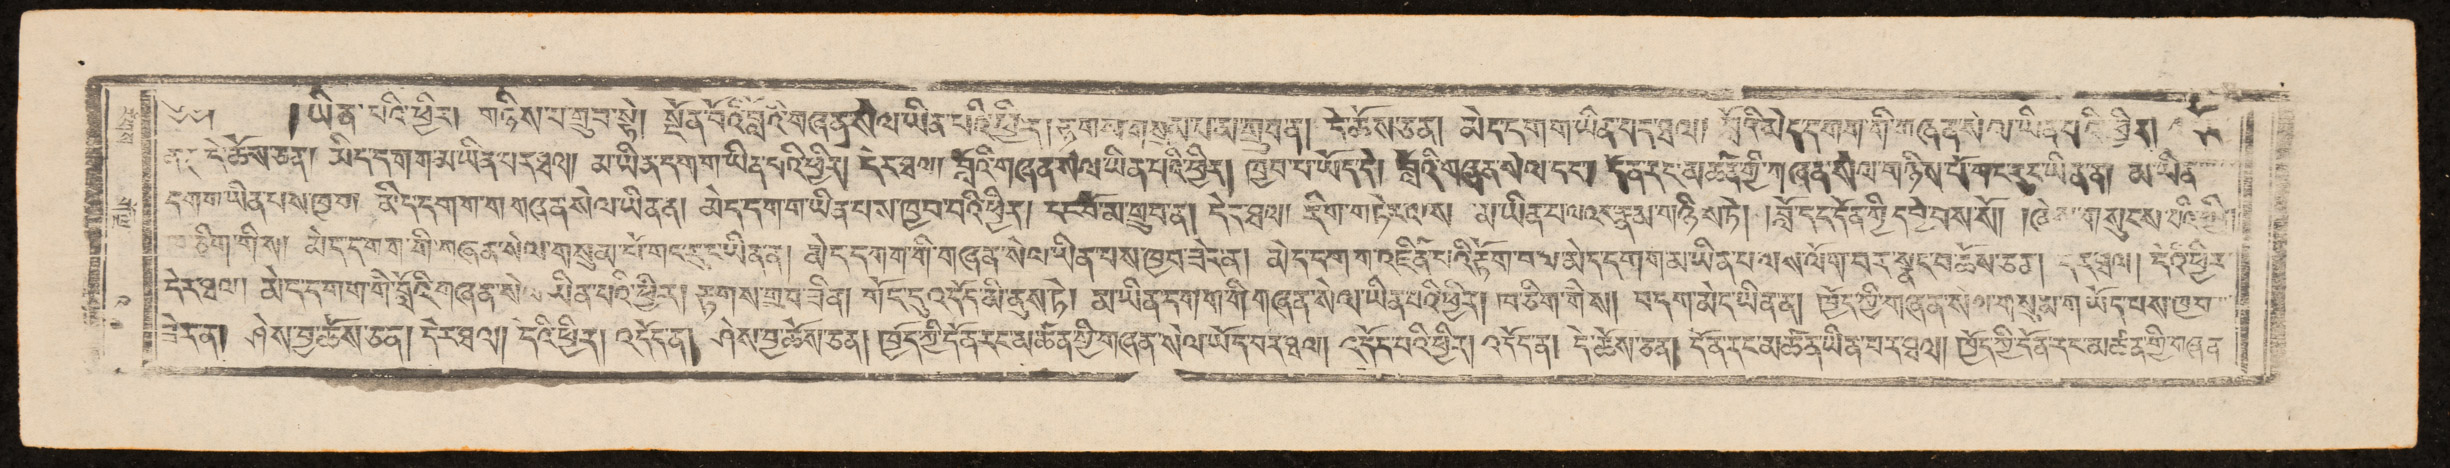༄༅། །པའི་ཕྱིར། གཉིས་པ་གྲུབ་སྟེ། སྔོན་པོའི་བློའི་གཞན་སེལ་ཡིན་པའི་ཕྱིར། རྟགས་གསུམ་པ་མ་གྲུབ་ན། དེ་ཆོས་ཅན། མེད་དགག་ཡིན་པར་ཐལ། བློའི་མེད་དགག་གི་གཞན་སེལ་ཡིན་པའི་ཕྱིར། འདོད་
ན། དེ་ཆོས་ཅན། མེད་དགག་མ་ཡིན་པར་ཐལ། མ་ཡིན་དགག་ཡིན་པའི་ཕྱིར། དེར་ཐལ། བློའི་གཞན་སེལ་ཡིན་པའི་ཕྱིར། ཁྱབ་པ་ཡོད་དེ། བློའི་གཞན་སེལ་དང་། དོན་རང་མཚན་གྱི་གཞན་སེལ་གཉིས་པོ་གང་རུང་ཡིན་ན། མ་ཡིན་
དགག་ཡིན་པས་ཁྱབ། མེད་དགག་གི་གཞན་སེལ་ཡིན་ན། མེད་དགག་ཡིན་པས་ཁྱབ་པའི་ཕྱིར། དང་པོ་མ་གྲུབ་ན། དེར་ཐལ། རིག་གཏེར་ལས། མ་ཡིན་པ་ལའང་རྣམ་གཉིས་ཏེ། །བློ་དང་དོན་གྱི་དབྱེ་བས་སོ། །ཞེས་གསུངས་པའི་ཕྱིར།
ཁ་ཅིག་གིས། མེད་དགག་གི་བློའི་གཞན་སེལ་གསུམ་པོ་གང་རུང་ཡིན་ན། མེད་དགག་གི་གཞན་སེལ་ཡིན་པས་ཁྱབ་ཟེར་ན། མེད་དགག་འཛིན་པའི་རྟོག་པ་ལ་མེད་དགག་མ་ཡིན་པ་ལས་ལོག་པར་སྣང་བ་ཆོས་ཅན། དེར་ཐལ། དེའི་ཕྱིར།
དེར་ཐལ། མེད་དགག་གི་བློའི་གཞན་སེལ་ཡིན་པའི་ཕྱིར། རྟགས་གྲུབ་ཟིན། གོང་དུ་འདོད་མི་ནུས་ཏེ། མ་ཡིན་དགག་གི་གཞན་སེལ་ཡིན་པའི་ཕྱིར། ཁ་ཅིག་གིས། བདག་མེད་ཡིན་ན། ཁྱོད་ཀྱི་གཞན་སེལ་གསུམ་ཀ་ཡོད་པས་ཁྱབ་
ཟེར་ན། ཤེས་བྱ་ཆོས་ཅན། དེར་ཐལ། དེའི་ཕྱིར། འདོད་ན། ཤེས་བྱ་ཆོས་ཅན། ཁྱོད་ཀྱི་དོན་རང་མཚན་གྱི་གཞན་སེལ་ཡོད་པར་ཐལ། འདོད་པའི་ཕྱིར། འདོད་ན། དེ་ཆོས་ཅན། དོན་རང་མཚན་ཡིན་པར་ཐལ། ཁྱོད་ཀྱི་དོན་རང་མཚན་གྱི་གཞན་